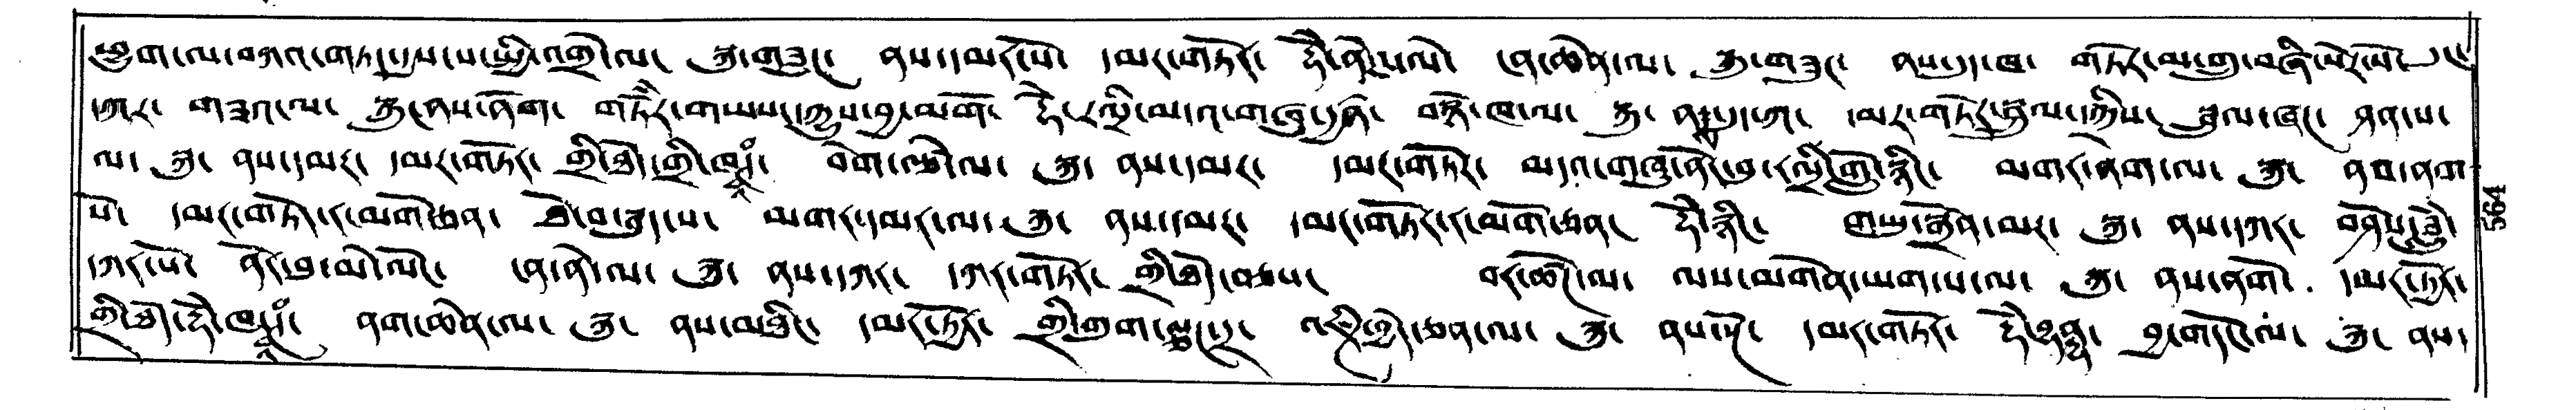ཕྱུག་ལ། བཀའ་གཏད་རྒྱས་པ་སྤྱི་འགྲོ་ལ། སྐུ་གཟུགས། ནས་དམར་པོ། དམར་གཏོར། རྡོ་རྗེ་ནེའུ་ལེ། ངན་ཆེན་ལ། སྐུ་གཟུགས། ནས་དུད་ཁ། གཏོར་མ་གྲུ་བཞི་སེར་པོ། དུང་
དཀར། གཟའ་ལ། སྐུ། ནས་ནག་པོ། གཏོར་མ་གཡས་ཀྱུས་བྱ་མགོ། རྡོ་རྗེ་རལ་དྲི་མདའ་གཞུ་རྒྱལ་མཚན། བསྙོ་ཁ་ལ། སྐུ། ནས་དུད་ཀ། དམར་གཏོར་སྦྲུལ་དཀྲིས། སྦྲུལ་ཞགས། ཤན་པ་
ལ། སྐུ། ནས་དམར། དམར་གཏོར། གྲི་ཐོད། གྲི། ཁ་ཊྭཱཾ། བེག་རྩེ་ལ། སྐུ། ནས་དམར། དམར་གཏོར། མདའ་གཞུ་ནོར་བུ་རལ་དྲི་གློ་སྙིང་། མགར་ནག་ལ། སྐུ། ནས་ནག་
པོ། དམར་གཏོར་ར་མགོ་ཅན། ཐོ་བ་སྦུད་པ། མགར་དམར་ལ། སྐུ། ནས་དམར། དམར་གཏོར་ར་མགོ་ཅན། རྡོ་རྗེ་སྙིང་། གཡུ་སྒྲོན་མར། སྐུ། ནས་དཀར། བཤོས་ཟླུམ་
དཀར་པོ། ནོར་བུ་མེ་ལོང་། ངན་ནེ་ལ། སྐུ། ནས་དཀར། དཀར་གཏོར། གྲི་ཐོད་བཅས། བར་ཚོགས་ལ། ལས་མགོན་ཡག་པ་ལ། སྐུ། ནས་ནག་པོ། དམར་གཏོར་
གྲི་ཐོད་རྡོ་རྗེ་ཁཊྭཱཾ། ནག་ཆེན་ལ། སྐུ། ནས་མཐིང་། དམར་གཏོར། གྲི་གུག་ལྕགས་དྲྭ། འཇིགས་བྱེད་ཅན་ལ། སྐུ། ནས་སྔོ། དམར་གཏོར། རྡོ་རྗེ་བྷནྡྷ། བྱ་གདོང་ལ། སྐུ། ནས་